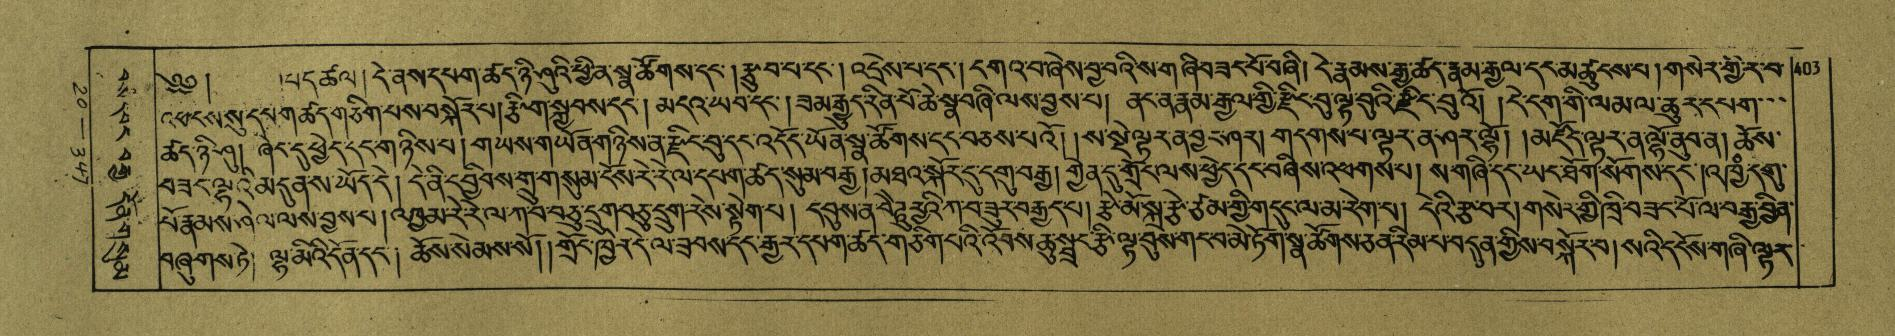༄༅། །བའི་ཚལ། དེ་ནས་དཔག་ཚད་ཉི་ཤུའི་ཕྱི་ན་སྣ་ཚོགས་དང་། རྩུབ་པ་དང་། འདྲེས་པ་དང་། དགའ་བ་ཞེས་བྱ་བའི་ས་གཞི་བཟང་པོ་བཞི། དེ་རྣམས་རྒྱ་ཚད་རྣམ་རྒྱལ་དང་མཚུངས་པ། གསེར་གྱི་ར་བ་
འཕངས་སུ་དཔག་ཚད་གཅིག་པས་བསྐོར་པ། རྩིག་སྐྱབས་དང་། མདའ་ཡབ་དང་། ཟམ་རྒྱུད་རིན་པོ་ཆེ་སྣ་བཞི་ལས་བྱས་པ། ནང་ན་རྣམ་རྒྱལ་གྱི་རྫིང་བུ་ལྟ་བུའི་རྫིང་བུའོ། །དེ་དག་གི་ལམ་ལ་ཆུར་དཔག་
ཚད་ཉི་ཤུ། ཞེང་དུ་ཕྱེད་དང་གཉིས་པ། གཡས་གཡོན་གཉིས་ན་རྫིང་བུ་དང་འདོད་ཡོན་སྣ་ཚོགས་དང་བཅས་པའོ། །ས་སྡེ་ལྟར་ན་བྱང་ཤར། གདགས་པ་ལྟར་ན་ཤར་ལྷོ། །མཛོད་ལྟར་ན་ལྷོ་ནུབ་ན། ཆོས་
བཟང་ལྷའི་མདུན་ས་ཡོད་དེ། དེ་ནི་དབྱིབས་གྲུ་གསུམ་ངོས་རེ་རེ་ལ་དཔག་ཚད་སུམ་བརྒྱ། མཐའ་སྐོར་དུ་དགུ་བརྒྱ། གྱེན་དུ་གྲོང་ལས་ཕྱེད་དང་བཞིས་འཕགས་པ། ས་གཞི་དང་ཡང་ཐོག་སོགས་དང་། འཁྱཾ་དགུ་
པོ་རྣམས་ཤེལ་ལས་བྱས་པ། འཁྱམ་རེ་རེ་ལ་ཀ་བ་བཅུ་དྲུག་བཅུ་དྲུག་རེས་སྟེག་པ། དབུས་ན་བཻཌཱུརྱའི་ཀ་བ་ཟུར་བརྒྱད་པ། རྩེ་མོ་སྐྲ་རྩེ་ཙམ་གྱི་གདུང་ལ་མ་རེག་པ། དེའི་རྩ་བར། གསེར་གྱི་ཁྲི་བཟང་པོ་ལ་བརྒྱ་བྱིན་
བཞུགས་ཏེ། ལྷ་མིའི་དོན་དང་། ཆོས་སེམས་སོ། །གྲོང་ཁྱེར་དེ་ལ་ཟབས་དང་རྒྱར་དཔག་ཚད་གཅིག་པའི་འོབས་ཆུ་སྦྲང་རྩི་ལྟ་བུས་གང་བ་མེ་ཏོག་སྣ་ཚོགས་ཅན་རིམ་པ་བདུན་གྱིས་བསྐོར་བ། སའི་དངོས་གཞི་ལྟར་